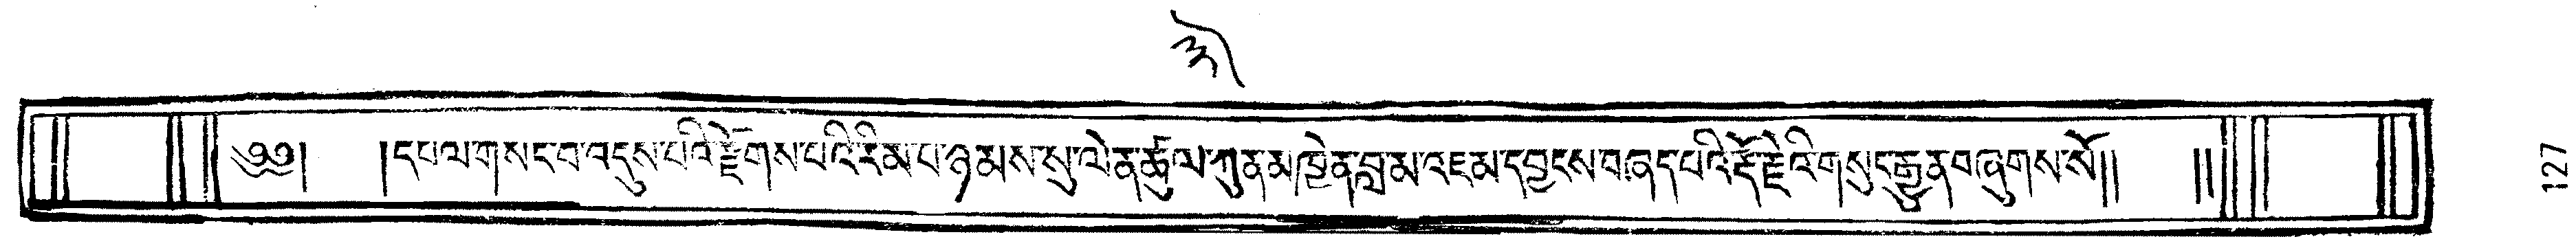༄༅། །དཔལ་གསང་བ་འདུས་པའི་རྫོགས་པའི་རིམ་པ་ཉམས་སུ་ལེན་ཚུལ་ཀུན་མཁྱེན་བླ་མ་འཇམ་དབྱངས་བཞད་པའི་རྡོ་རྗེའི་གསུང་རྒྱུན་བཞུགས་སོ།། །།